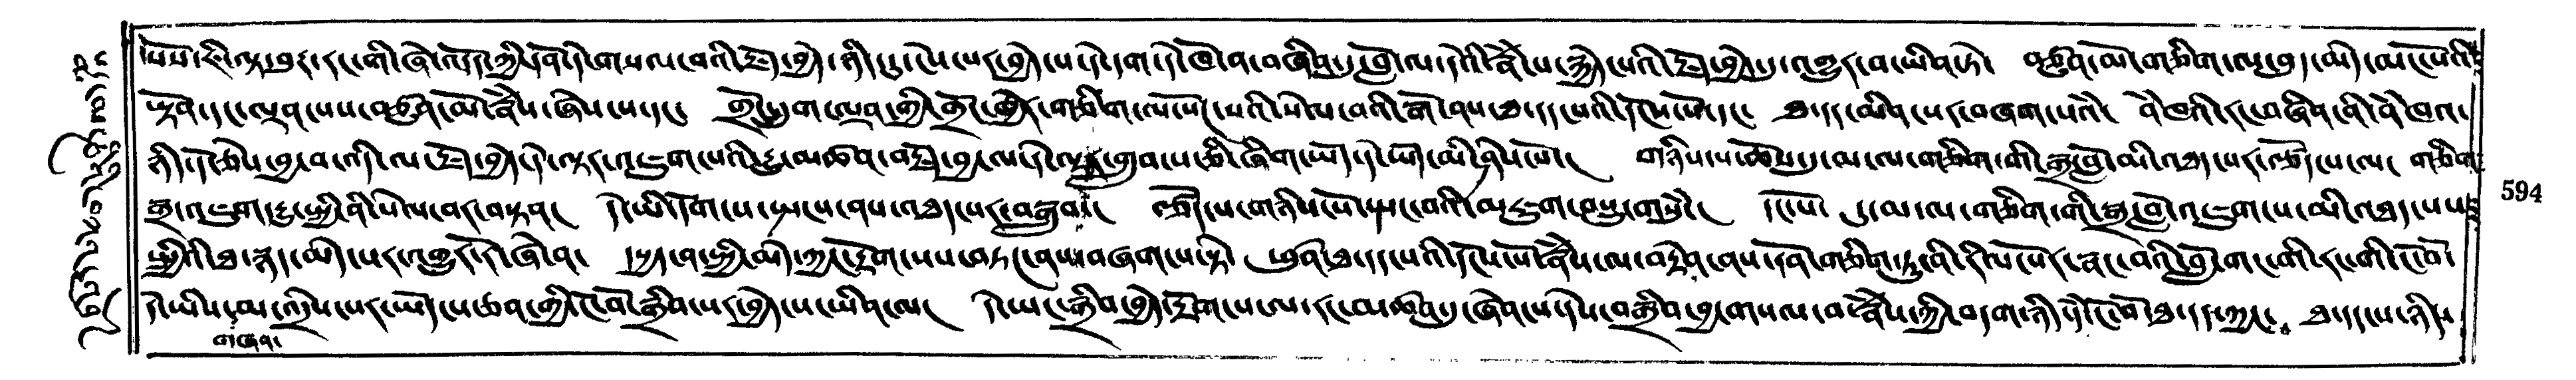པོས་ཇི་ལྟ་བུར་རང་གི་ཞེ་འདོད་ཀྱི་དོན་དེ་གསལ་བའི་རྗོད་བྱེད་ཉིད་དུ་ངེས་པར་བྱེད་པ་དེ་དག་དེ་ཁོ་ན་བཞིན་དུ་བློ་ལ་དེའི་རྣམ་པ་སྐྱེད་པའི་རྗོད་བྱེད་དུ་འགྱུར་བ་ཡིན་ཏེ། བཙུན་མོ་གཅིག་ལ་བུད་མེད་མང་པོའི་
ཡོན་ཏན་དང་ལྡན་པས་བཙུན་མོ་རྣམས་ཞེས་པ་དང་། གྲོང་དྲུག་ལྡན་གྱི་གྲོང་ཁྱེར་གཅིག་ལ་སོགས་པའི་སྒོ་ནས་ཐ་དད་པའི་དངོས་པོ་དང་། ཐ་དད་མིན་པར་བཞག་པའམ། ནམ་མཁའི་རང་བཞིན་ནི་ནམ་མཁའ་
ཉིད་དོ་ཞེས་བྱ་བ་འདི་ལ་རྗོད་བྱེད་དེ་ལྟར་འཇུག་པའི་རྒྱུ་མཚན་བརྗོད་བྱ་ལ་དེ་ལྟར་གྲུབ་པ་ཅི་ཞིག་ཡོད་དེ་ཡོད་མི་ཤེས་སོ།། གཉིས་པ་ཆོས་དུ་མ་ལ་གཅིག་གི་སྒྲ་བློ་མི་འཐད་པར་རྩོད་པ་ལ། གཅིག་
འཇུག་རྒྱུ་སྤྱི་ནི་སེལ་བར་བསྟན། །དེ་ཡི་དོག་པ་སྤོང་ནས་འཐད་པར་བསྒྲུབ། །རྩོད་པ་གཉིས་པོ་སྤང་བའི་མཇུག་བསྡུ་གསུམ། །དང་པོ། དུ་མ་ལ་གཅིག་གི་སྒྲ་བློ་འཇུག་པ་མི་འཐད་པས་
སྤྱིའི་ཐ་སྙད་མེད་པར་འགྱུར་རོ་ཞེ་ན། དཔྱད་ན་སྤྱི་མེད་ཀྱང་རྟོག་པས་བཏགས་ནས་བཞག་པ་སྟེ། ཕན་ཚུན་ཐ་དད་པའི་དངོས་པོ་རྣམས་ལ་བརྟེན་ནས་དོན་གཅིག་ཏུ་ནི་རིལ་པོར་སྣང་བའི་བློ་གང་གི་རང་གི་ངོ་བོ་
དེ་ཡིས་གཞན་མ་འདྲེས་པར་ཡོད་པ་ཅན་གྱི་ངོ་བོ་སྒྲིབ་པར་བྱེད་པ་ཡིན་ལ། དེ་ཡང་སྒྲིབ་བྱེད་རྟོག་པ་ལ་རང་མཚན་དུ་ཞེན་པ་དེས་བསྒྲིབ་བྱ་གསལ་བ་རྣམས་ཀྱི་བདག་ཉིད་དམ་ངོ་བོ་ཐ་དད་ཀྱང་། ཐ་དད་པ་ཉིད་